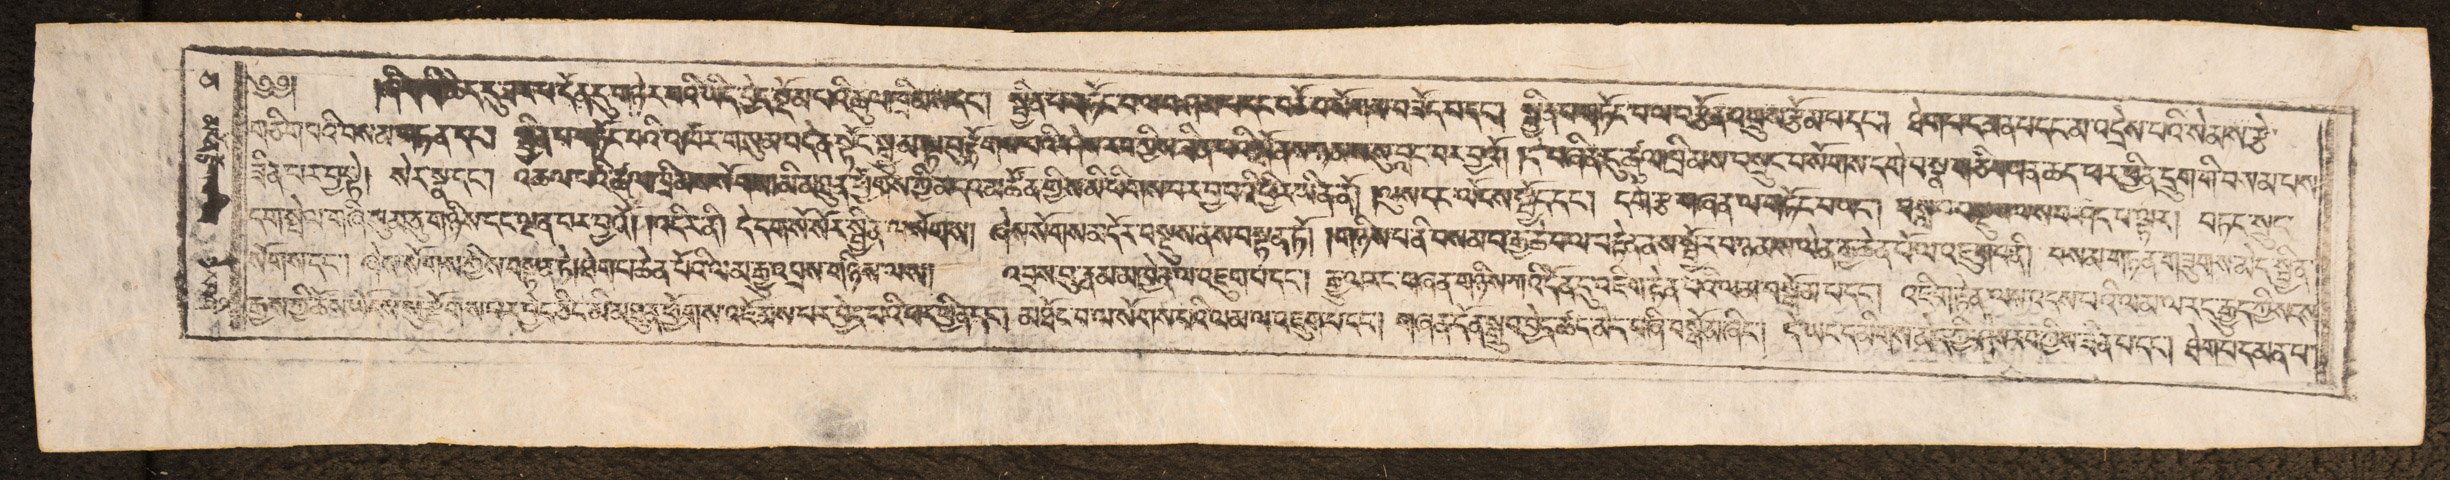༄༅། །ཞིག་གི་ཆེད་དུ་ཐར་པ་དོན་དུ་གཉེར་བའི་ཡིད་བྱེད་སྡོམ་པའི་ཚུལ་ཁྲིམས་དང་། སྦྱིན་པ་གཏོང་བ་ལ་བཤམ་པ་དང་བཅོ་བ་སོགས་བཟོད་པ་དང་། སྦྱིན་པ་གཏོང་བ་ལ་བརྩོན་འགྲུས་རྩོམ་པ་དང་། ཐེག་པ་དམན་པ་དང་མ་འདྲེས་པའི་སེམས་རྩེ་
གཅིག་པའི་བསམ་གཏན་དང་། སྦྱིན་པ་གཏོང་བའི་འཁོར་གསུམ་བདེན་སྟོང་སྒྱུ་མ་ལྟ་བུ་རྟོགས་པའི་ཤེས་རབ་ཀྱིས་ཟིན་པའི་སྒོ་ནས་ཉམས་སུ་བླང་བར་བྱའོ། །དེ་བཞིན་དུ་ཚུལ་ཁྲིམས་བསྲུང་བ་སོགས་དགེ་བ་སྣ་གཅིག་ཡན་ཆད་ཕར་ཕྱིན་དྲུག་གི་བསམ་པས་
ཟིན་པར་བྱ་སྟེ། སེར་སྣ་དང་། འཆལ་པའི་ཚུལ་ཁྲིམས་སོགས། མི་མཐུན་ཕྱོགས་ཀྱི་མདའ་མཚོན་གྱིས་མི་ཕིགས་པར་བྱ་བའི་ཕྱིར་ཡིན་ནོ། །ལུས་དང་ལོངས་སྤྱོད་དང་། དགེ་རྩ་གཞན་ལ་གཏོང་བ་ཡང་། བསླབ་བསྡུས་ལས་བཤད་པ་ལྟར། བཏང་སྲུང་
དག་སྤེལ་གཞི་སུམ་ཅུ་གཉིས་དང་ལྡན་པར་བྱའོ། །འདིར་ནི། དེ་དག་སོ་སོར་སྦྱིན་ལ་སོགས། ཞེས་སོགས་མདོར་བསྡུས་ནས་བསྟན་ཏོ། །གཉིས་པ་ནི་བསམ་པ་རྒྱ་ཆེ་བ་ལ་བརྟེན་ནས་སྦྱོར་བ་ཉམས་ལེན་རྒྱ་ཆེན་པོ་ལ་འཇུག་པ་ནི། བསམ་གཏན་གཟུགས་མེད་སྦྱིན་
སོགས་དང་། ཞེས་སོགས་ཀྱིས་བསྟན་ཏེ། ཐེག་པ་ཆེན་པོའི་ལམ་རྒྱུ་འབྲས་གཉིས་ལས། འབྲས་བུ་རྣམ་མཁྱེན་ལ་འཇུག་པ་དང་། རྒྱུ་ལ་རང་གཞན་གཉིས་ཀའི་དོན་དུ་འཇིག་རྟེན་པའི་ལམ་བསྒོམ་པ་དང་། འཇིག་རྟེན་ལས་འདས་པའི་ལམ་ལ་རང་རྒྱུད་ཀྱི་སངས་
རྒྱས་ཀྱི་ཆོས་ཡོངས་སུ་རྫོགས་པར་བྱེད་ཅིང་མི་མཐུན་ཕྱོགས་འཇོམས་པར་བྱེད་པའི་ཕར་ཕྱིན་དང་། མཐོང་བ་ལ་སོགས་པའི་ལམ་ལ་འཇུག་པ་དང་། གཞན་དོན་སྒྲུབ་བྱེད་ཚད་མེད་བཞི་བསྒོམ་ཞིང་། དེ་ཡང་དམིགས་མེད་ཀྱི་ཤེས་རབ་ཀྱིས་ཟིན་པ་དང་། ཐེག་པ་དམན་པ་